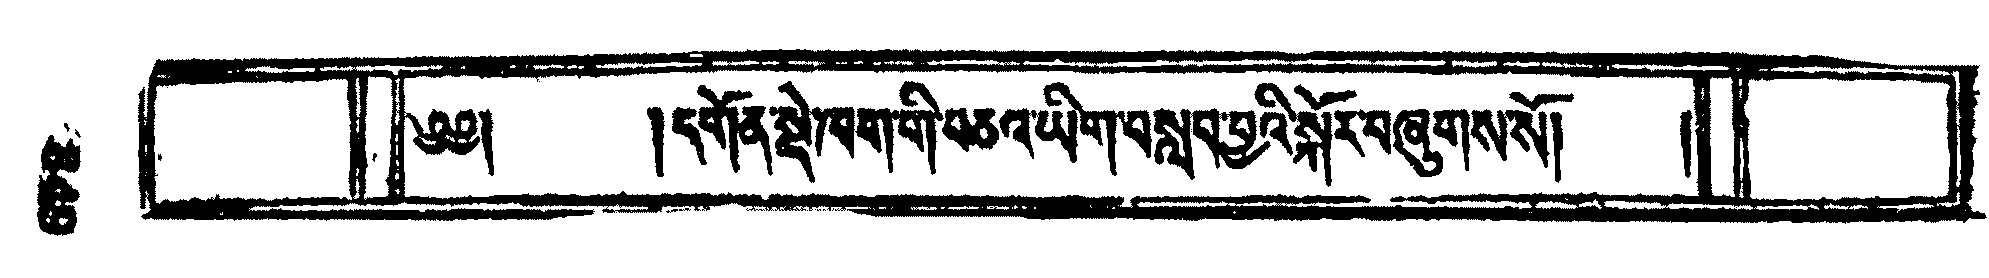༄༅། །དགོན་སྡེ་ཁག་གི་བཅའ་ཡིག་བསླབ་བྱའི་སྐོར་བཞུགས་སོ། །